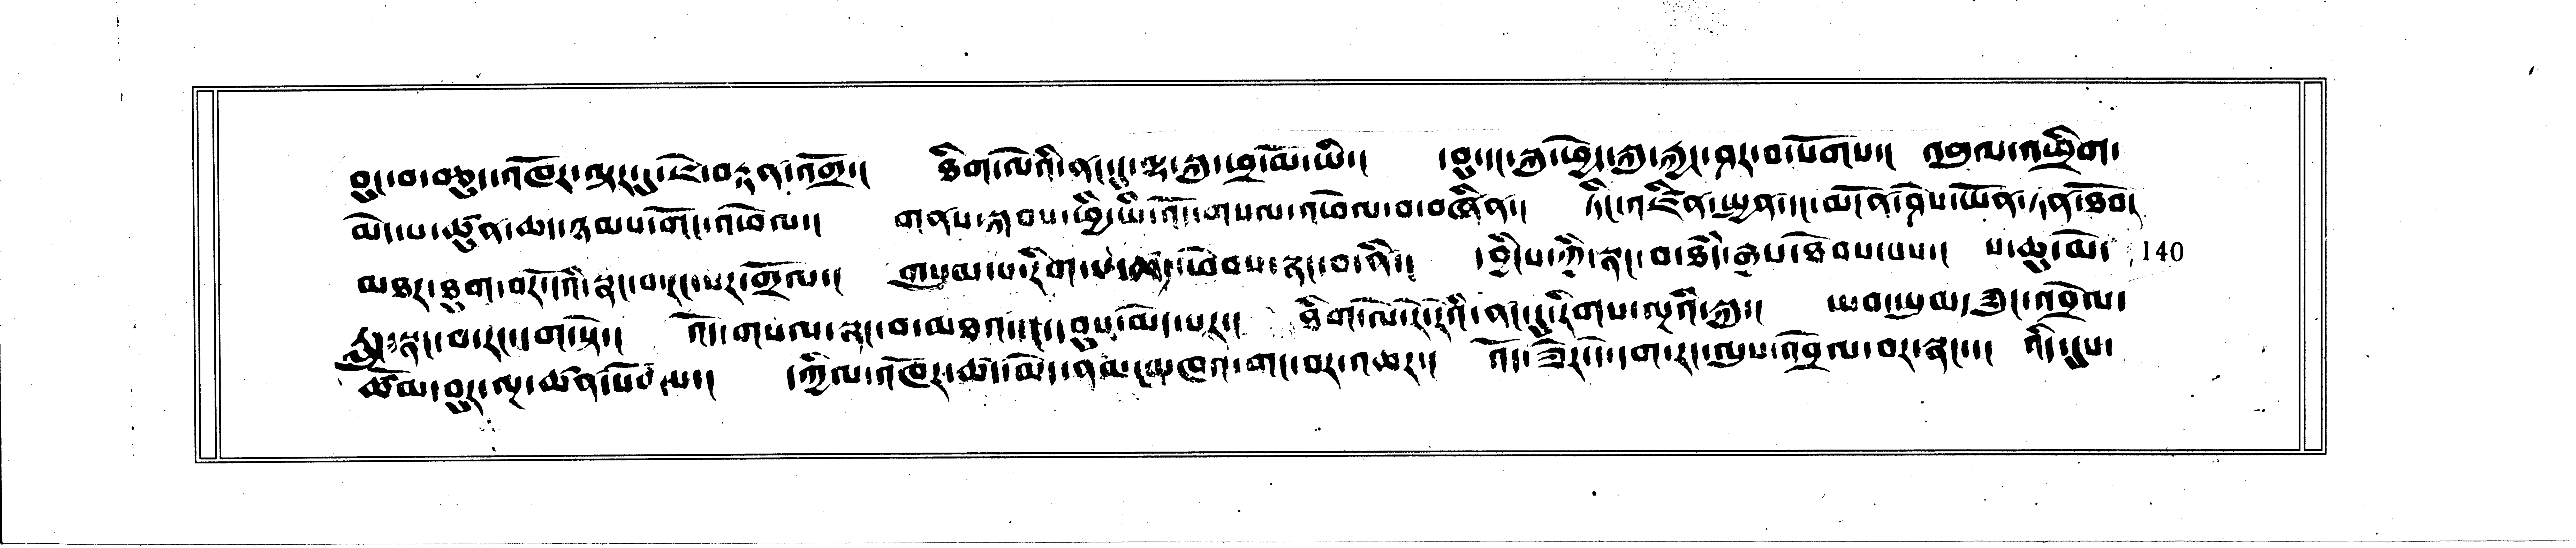བུང་བ་བཅུད་འཁོར་ལྟར་དུ་ཇེ་བརྟན་འགྲོ། །ཐིག་ལེའི་ནང་དུ་ལྷ་སྐུ་ཕྲ་མོ་ཡི། །དབུ་དང་སྐུ་ཕྱེད་སྐུ་རྐྱང་ཤར་བ་སོགས། །འགུལ་འཕྲིག་
མེད་པ་ཚུན་ཆད་ཉམས་གོང་འཕེལ། །གནས་སྐབས་ཕྱི་ཡི་འོད་གསལ་འཕེལ་བ་བཞིན། །ཏིང་འཛིན་སྤྱན་དང་མངོན་ཤེས་ཡོན་ཏན་ཐོབ། 
།མཐར་ཐུག་བར་དོའི་སྣང་བ་རང་སར་གྲོལ། །གསུམ་པ་རིག་པ་ཚད་ཕེབས་སྣང་བ་ནི། །དབྱིངས་ཀྱི་སྣང་བ་ཐམས་ཅད་རྒྱས་ཐེབས་པས། །ས་ཆུ་མེ་
རླུང་སྣང་བ་རང་དག་སྟེ། །འོད་གསལ་སྣང་བ་མཐའ་དང་དབུས་མེད་པར། །ཐིག་ལེ་རེ་རེའི་ནང་དུ་རིགས་ལྔའི་སྐུ། །ཡབ་ཡུམ་ཟུང་འབྲེལ་
ཚོམ་བུ་ལྔ་ཚན་སོགས། །དཀྱིལ་འཁོར་ཚད་མེད་ནམ་མཁའ་གང་བར་འཆར། །འོད་ཟེར་དེ་དག་རང་ལུས་འབྲེལ་བར་སྣང་། །འདི་དུས་